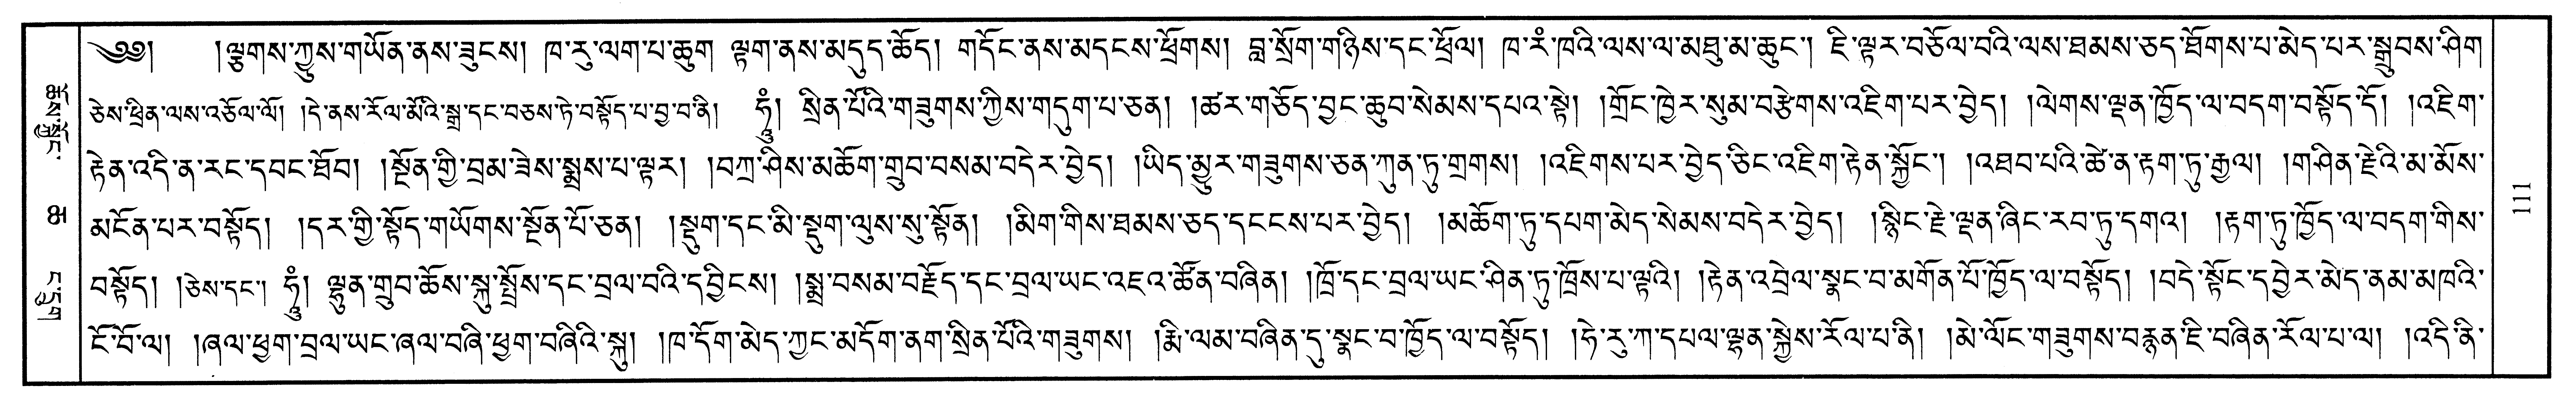༄༅། །ལྕགས་ཀྱུས་གཡོན་ནས་ཟུངས། ཁ་རུ་ལག་པ་ཆུག་ལྟག་ནས་མདུད་ཆོད། གདོང་ནས་མདངས་ཕྲོགས། བླ་སྲོག་གཉིས་དང་ཕྲོལ། ཁ་རཾ་ཁའི་ལས་ལ་མཐུ་མ་ཆུང་། ཇི་ལྟར་བཅོལ་བའི་ལས་ཐམས་ཅད་ཐོགས་པ་མེད་པར་སྒྲུབས་ཤིག་
ཅེས་ཕྲིན་ལས་འྕོལ་ལོ། །དེ་ནས་རོལ་མོའི་སྒྲ་དང་བཅས་ཏེ་བསྟོད་པ་བྱ་བ་ནི། ཧཱུཾ། སྲིན་པོའི་གཟུགས་ཀྱིས་གདུག་པ་ཅན། །ཚར་གཅོད་བྱང་ཆུབ་སེམས་དཔའ་སྟེ། །གྲོང་ཁྱེར་སུམ་བརྩེགས་འཇིག་པར་བྱེད། །ལེགས་ལྡན་ཁྱོད་ལ་བདག་བསྟོད་དོ། །འཇིག་
རྟེན་འདི་ན་རང་དབང་ཐོབ། །སྔོན་གྱི་བྲམ་ཟེས་སྨྲས་པ་ལྟར། །བཀྲ་ཤིས་མཆོག་གྲུབ་བསམ་བདེར་བྱེད། །ཡིད་མྱུར་གཟུགས་ཅན་ཀུན་ཏུ་གྲགས། །འཇིགས་པར་བྱེད་ཅིང་འཇིག་རྟེན་སྐྱོང་། །འཐབ་པའི་ཚེ་ན་རྟག་ཏུ་རྒྱལ། །གཤིན་རྗེའི་མ་མོས་
མངོན་པར་བསྟོད། །དར་གྱི་སྟོད་གཡོགས་སྔོན་པོ་ཅན། །སྡུག་དང་མི་སྡུག་ལུས་སུ་སྟོན། །མིག་གིས་ཐམས་ཅད་དངངས་པར་བྱེད། །མཆོག་ཏུ་དཔག་མེད་སེམས་བདེར་བྱེད། །སྙིང་རྗེ་ལྡན་ཞིང་རབ་ཏུ་དགའ། །རྟག་ཏུ་ཁྱོད་ལ་བདག་གིས་
བསྟོད། །ཅེས་དང་། ཧཱུཾ། ལྷུན་གྲུབ་ཆོས་སྐུ་སྤྲོས་དང་བྲལ་བའི་དབྱིངས། །སྨྲ་བསམ་བརྗོད་དང་བྲལ་ཡང་འཇའ་ཚོན་བཞིན། །ཁྲོ་དང་བྲལ་ཡང་ཤིན་ཏུ་ཁྲོས་པ་ལྟའི། །རྟེན་འབྲེལ་སྣང་བ་མགོན་པོ་ཁྱོད་ལ་བསྟོད། །བདེ་སྟོང་དབྱེར་མེད་ནམ་མཁའི་
ངོ་བོ་ལ། །ཞལ་ཕྱག་བྲལ་ཡང་ཞལ་བཞི་ཕྱག་བཞིའི་སྐུ། །ཁ་དོག་མེད་ཀྱང་མདོག་ནག་སྲིན་པོའི་གཟུགས། །རྨི་ལམ་བཞིན་དུ་སྣང་བ་ཁྱོད་ལ་བསྟོད། །ཧེ་རུ་ཀ་དཔལ་ལྷན་སྐྱེས་རོལ་པ་ནི། །མེ་ལོང་གཟུགས་བརྙན་ཇི་བཞིན་རོལ་པ་ལ། །འདི་ནི་